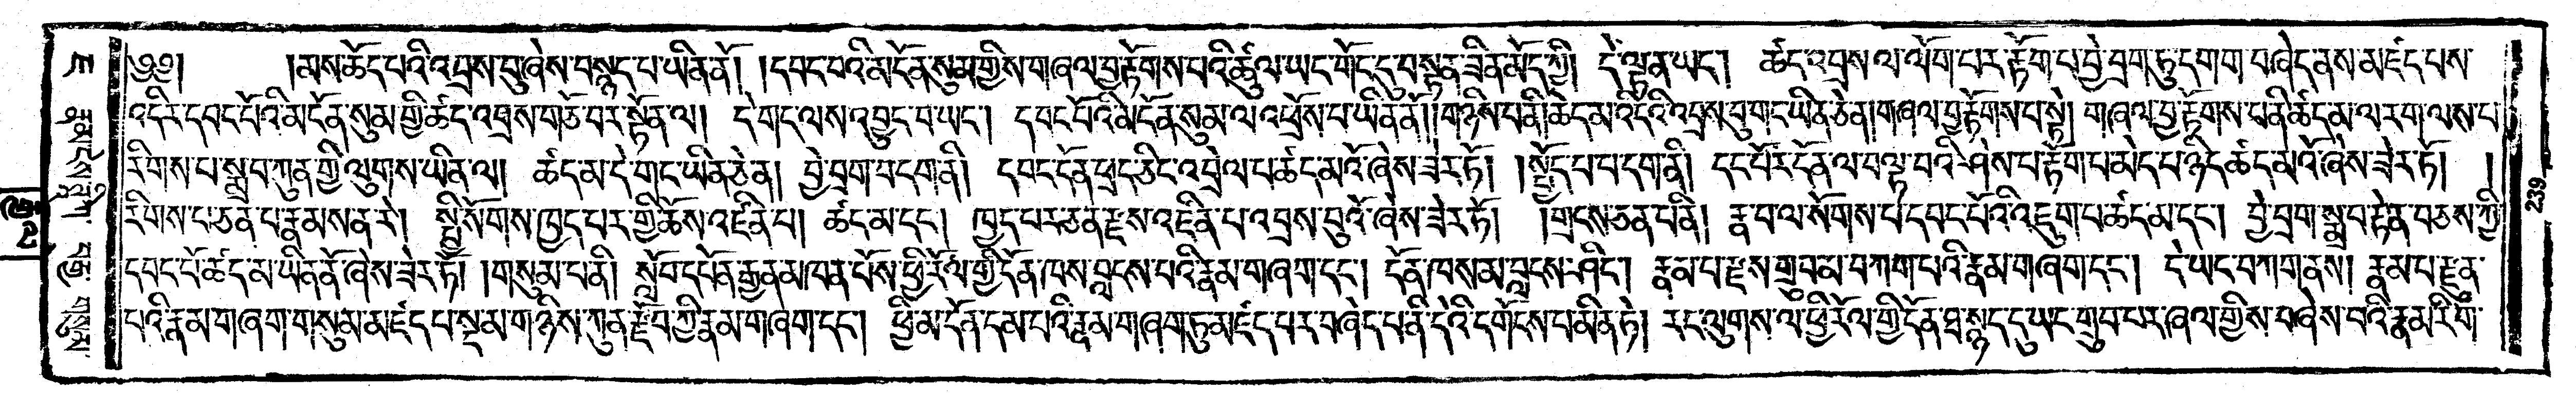༄༅། །མས་ཆོས་པའི་འབྲས་བུ་ཞེས་བསྙད་པ་ཡིན་ནོ། །དབང་པོའི་མངོན་སུམ་གྱིས་གཞལ་བྱ་རྟོགས་པའི་ཚུལ་ཡང་གོང་དུ་བསྟན་ཟིན་མོད་ཀྱི། དེ་ལྟ་ན་ཡང་། ཚད་འབྲས་ལ་ལོག་པར་རྟོག་པ་བྱེ་བྲག་ཏུ་དགག་བཞེད་ནས་མཛད་པས་
འདིར་དབང་པོའི་མངོན་སུམ་གྱི་ཚད་འབྲས་གཅོ་བར་སྟོན་ལ། དེ་གང་ལས་འབྱུང་བ་ཡང་། དབང་པོའི་མངོན་སུམ་ལ་འཕྲོས་པ་ཡིན་ནོ། །གཉིས་པ་ནི། ཆེད་མ་འདིའི་འབྲས་བུ་གང་ཡིན་ཅེ་ན། གཞལ་བྱ་རྟོགས་པ་སྟེ། གཞལ་བྱ་རྟོགས་པ་ནི་ཚད་མ་ལ་རག་ལས་པ་
རིགས་པ་སྨྲ་བ་ཀུན་གྱི་ལུགས་ཡིན་ལ། ཚད་མ་དེ་གང་ཡིན་ཅེ་ན། བྱེ་བྲག་བདག་ནི། དབང་དོན་ཕྲད་ཅིང་འབྲེལ་པ་ཚད་མའོ་ཞེས་ཟེར་ཏོ། །སྤྱོད་པ་པ་དག་ནི། དང་པོར་དོན་ལ་བལྟ་བའི་ཤེས་པ་རྟོག་པ་མེད་པ་ཉིད་ཚད་མའོ་ཞེས་ཟེར་ཏོ། །
རིགས་པ་ཅན་པ་རྣམས་ན་རེ། སྤྱི་སོགས་ཁྱད་པར་གྱི་ཆོས་འཛིན་པ། ཚད་མ་དང་། ཁྱད་པར་ཅན་རྫས་འཛིན་པ་འབྲས་བུའོ་ཞེས་ཟེར་ཏོ། །གྲངས་ཅན་པ་ནི། རྣ་བ་ལ་སོགས་པ་དབང་པོའི་འཇུག་པ་ཚད་མ་དང་། བྱེ་བྲག་སྨྲ་བ་རྟེན་བཅས་ཀྱི་
དབང་པོ་ཚད་མ་ཡིན་ནོ་ཞེས་ཟེར་ཏོ། །གསུམ་པ་ནི། སློབ་དཔོན་རྒྱན་མཁན་པོས་ཕྱི་རོལ་གྱི་དོན་ཁས་བླངས་པའི་རྣམ་གཞག་དང་། དོན་ཁས་མ་བླངས་ཤིང་། རྣམ་པ་རྫས་གྲུབ་མ་བཀག་པའི་རྣམ་གཞག་དང་། དེ་ཡང་བཀག་ནས། རྣམ་པ་རྫུན་
པའི་རྣམ་གཞག་གསུམ་མཛད་པ་སྔ་མ་གཉིས་ཀུན་རྫོབ་ཀྱི་རྣམ་གཞག་དང་། ཕྱི་མ་དོན་དམ་པའི་རྣམ་གཞག་ཏུ་མཛད་པར་བཞེད་པ་ནི་དེའི་དགོངས་པ་མིན་ཏེ། རང་ལུགས་ལ་ཕྱི་རོལ་གྱི་དོན་ཐ་སྙད་དུ་ཡང་གྲུབ་པར་ཞལ་གྱིས་བཞེས་པའི་རྣམ་རིག་